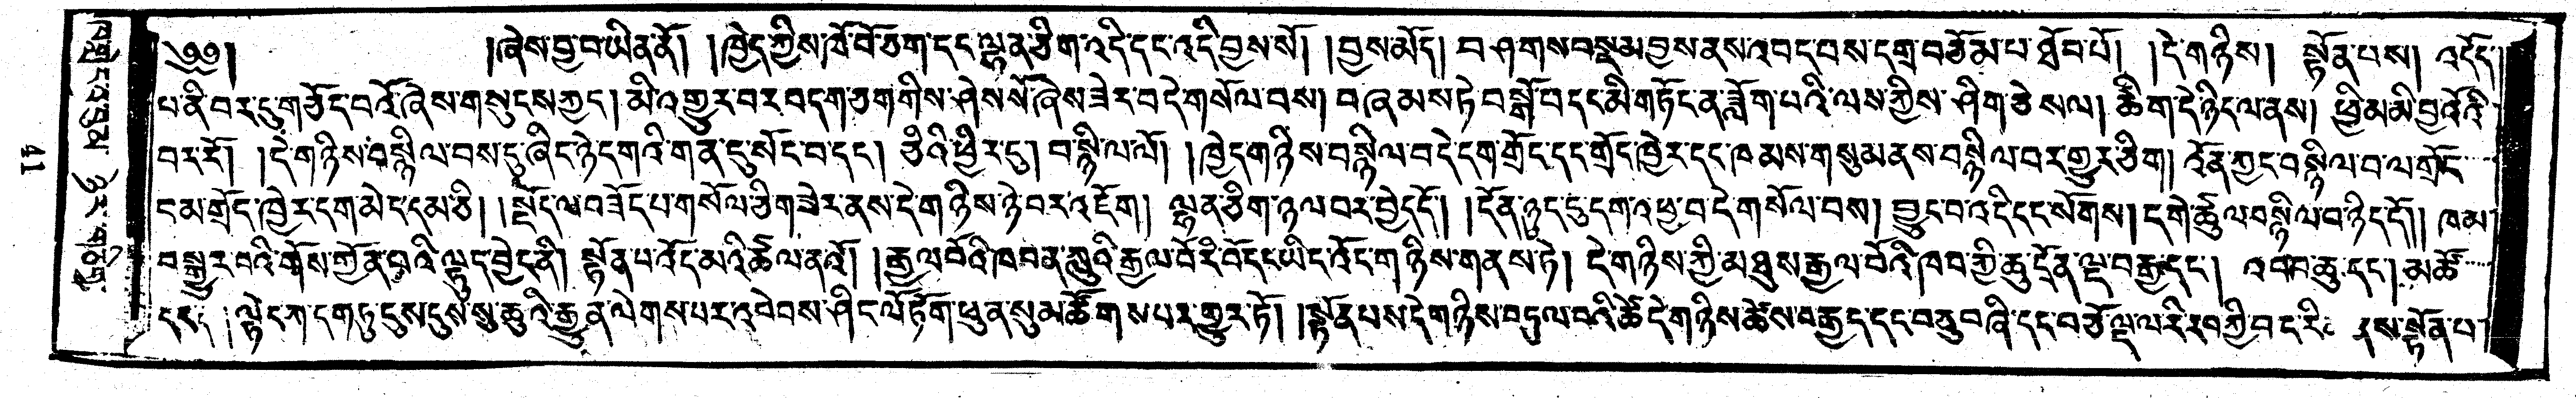༄༅། །ཞེས་བྱ་བ་ཡིན་ནོ། །ཁྱེད་ཀྱིས་ཁོ་བོ་ཅག་དང་ལྷན་ཅིག་འདི་དང་འདི་བྱས་སོ། །བྱས་མོད། བཤགས་བསྡམ་བྱས་ནས་འབད་པས་དགྲ་བཅོམ་པ་ཐོབ་པོ། །དེ་གཉིས། སྟོན་པས། འདོད་
པ་ནི་བར་དུ་གཅོད་པའོ་ཞེས་གསུངས་ཀྱང་། མི་འགྱུར་བར་བདག་ཅག་གིས་ཤེས་སོ་ཞེས་ཟེར་བ་དེ་གསོལ་བས། བཞམས་ཏེ་བསྒོ་པ་དང་མི་གཏོང་ན་ཟློག་པའི་ལས་ཀྱིས་ཤིག་ཅེས་ལ། ཚིག་དེ་ཉིད་ལ་ནས། ཕྱི་མ་མི་བྱའོའི་
བར་རོ། །དེ་གཉིས་བསྙིལ་བས་དུ་ཞིང་ཉེ་དགའི་གན་དུ་སོང་བ་དང་། ཅིའི་ཕྱིར་དུ། བ་སྙི་ལ་ལོ། །ཁྱེད་གཉིས་བསྙིལ་བདེ་དག་གྲོང་དང་གྲོང་ཁྱེར་དང་ཁམས་གསུམ་ནས་བསྙིལ་བར་གྱུར་ཅིག། འོན་ཀྱང་བསྙིལ་བ་ལ་གྲོང་
བམ་གྲོང་ཁྱེར་དག་མེད་དམ་ཅི། །སྡོད་ལ་བཟོད་པ་གསོལ་ཅིག་ཟེར་ནས་དེ་གཉིས་ཉེ་བར་འཇོག། ལྷན་ཅིག་ཉལ་བར་བྱེད་དོ། །དོན་ཉུང་དུ་དག་འཕྱ་བ་དེ་གསོལ་བས། བྱུང་བ་འདི་དང་སོགས། དགེ་ཚུལ་བསྙིལ་བ་ཉིད་དོ།། ཁམ་
བསྒྱུར་བའི་གོས་གྱོན་པའི་ལྟུད་བྱེད་ནི། སྟོན་པ་འོད་མའི་ཚལ་ནའོ། །རྒྱལ་བོའི་ཁབ་ན་ཀླུའི་རྒྱལ་བོ་རི་བོ་དང་ཡིད་འོང་གཉིས་གནས་ཏེ། དེ་གཉིས་ཀྱི་མཐུས་རྒྱལ་པོའི་ཁབ་ཀྱི་ཆུ་དྲོན་ལྔ་བརྒྱ་དང་། འབབ་ཆུ་དང་། མཚོ་
དང༑ ༑ལྟེང་ཀ་དག་ཏུ་དུས་དུས་སུ་ཆུའི་རྒྱུན་ལེགས་པར་འབེབས་ཤིང་ལོ་ཏོག་ཕུན་སུམ་ཚོགས་པར་གྱུར་ཏོ། །སྟོན་པས་དེ་གཉིས་བཏུལ་བའི་ཚེ་དེ་གཉིས་ཚེས་བརྒྱད་དང་བཅུ་བཞི་དང་བཅོ་ལྔ་ལ་རི་རབ་ཀྱི་བང་རིམ་ནས་སྟོན་པ་